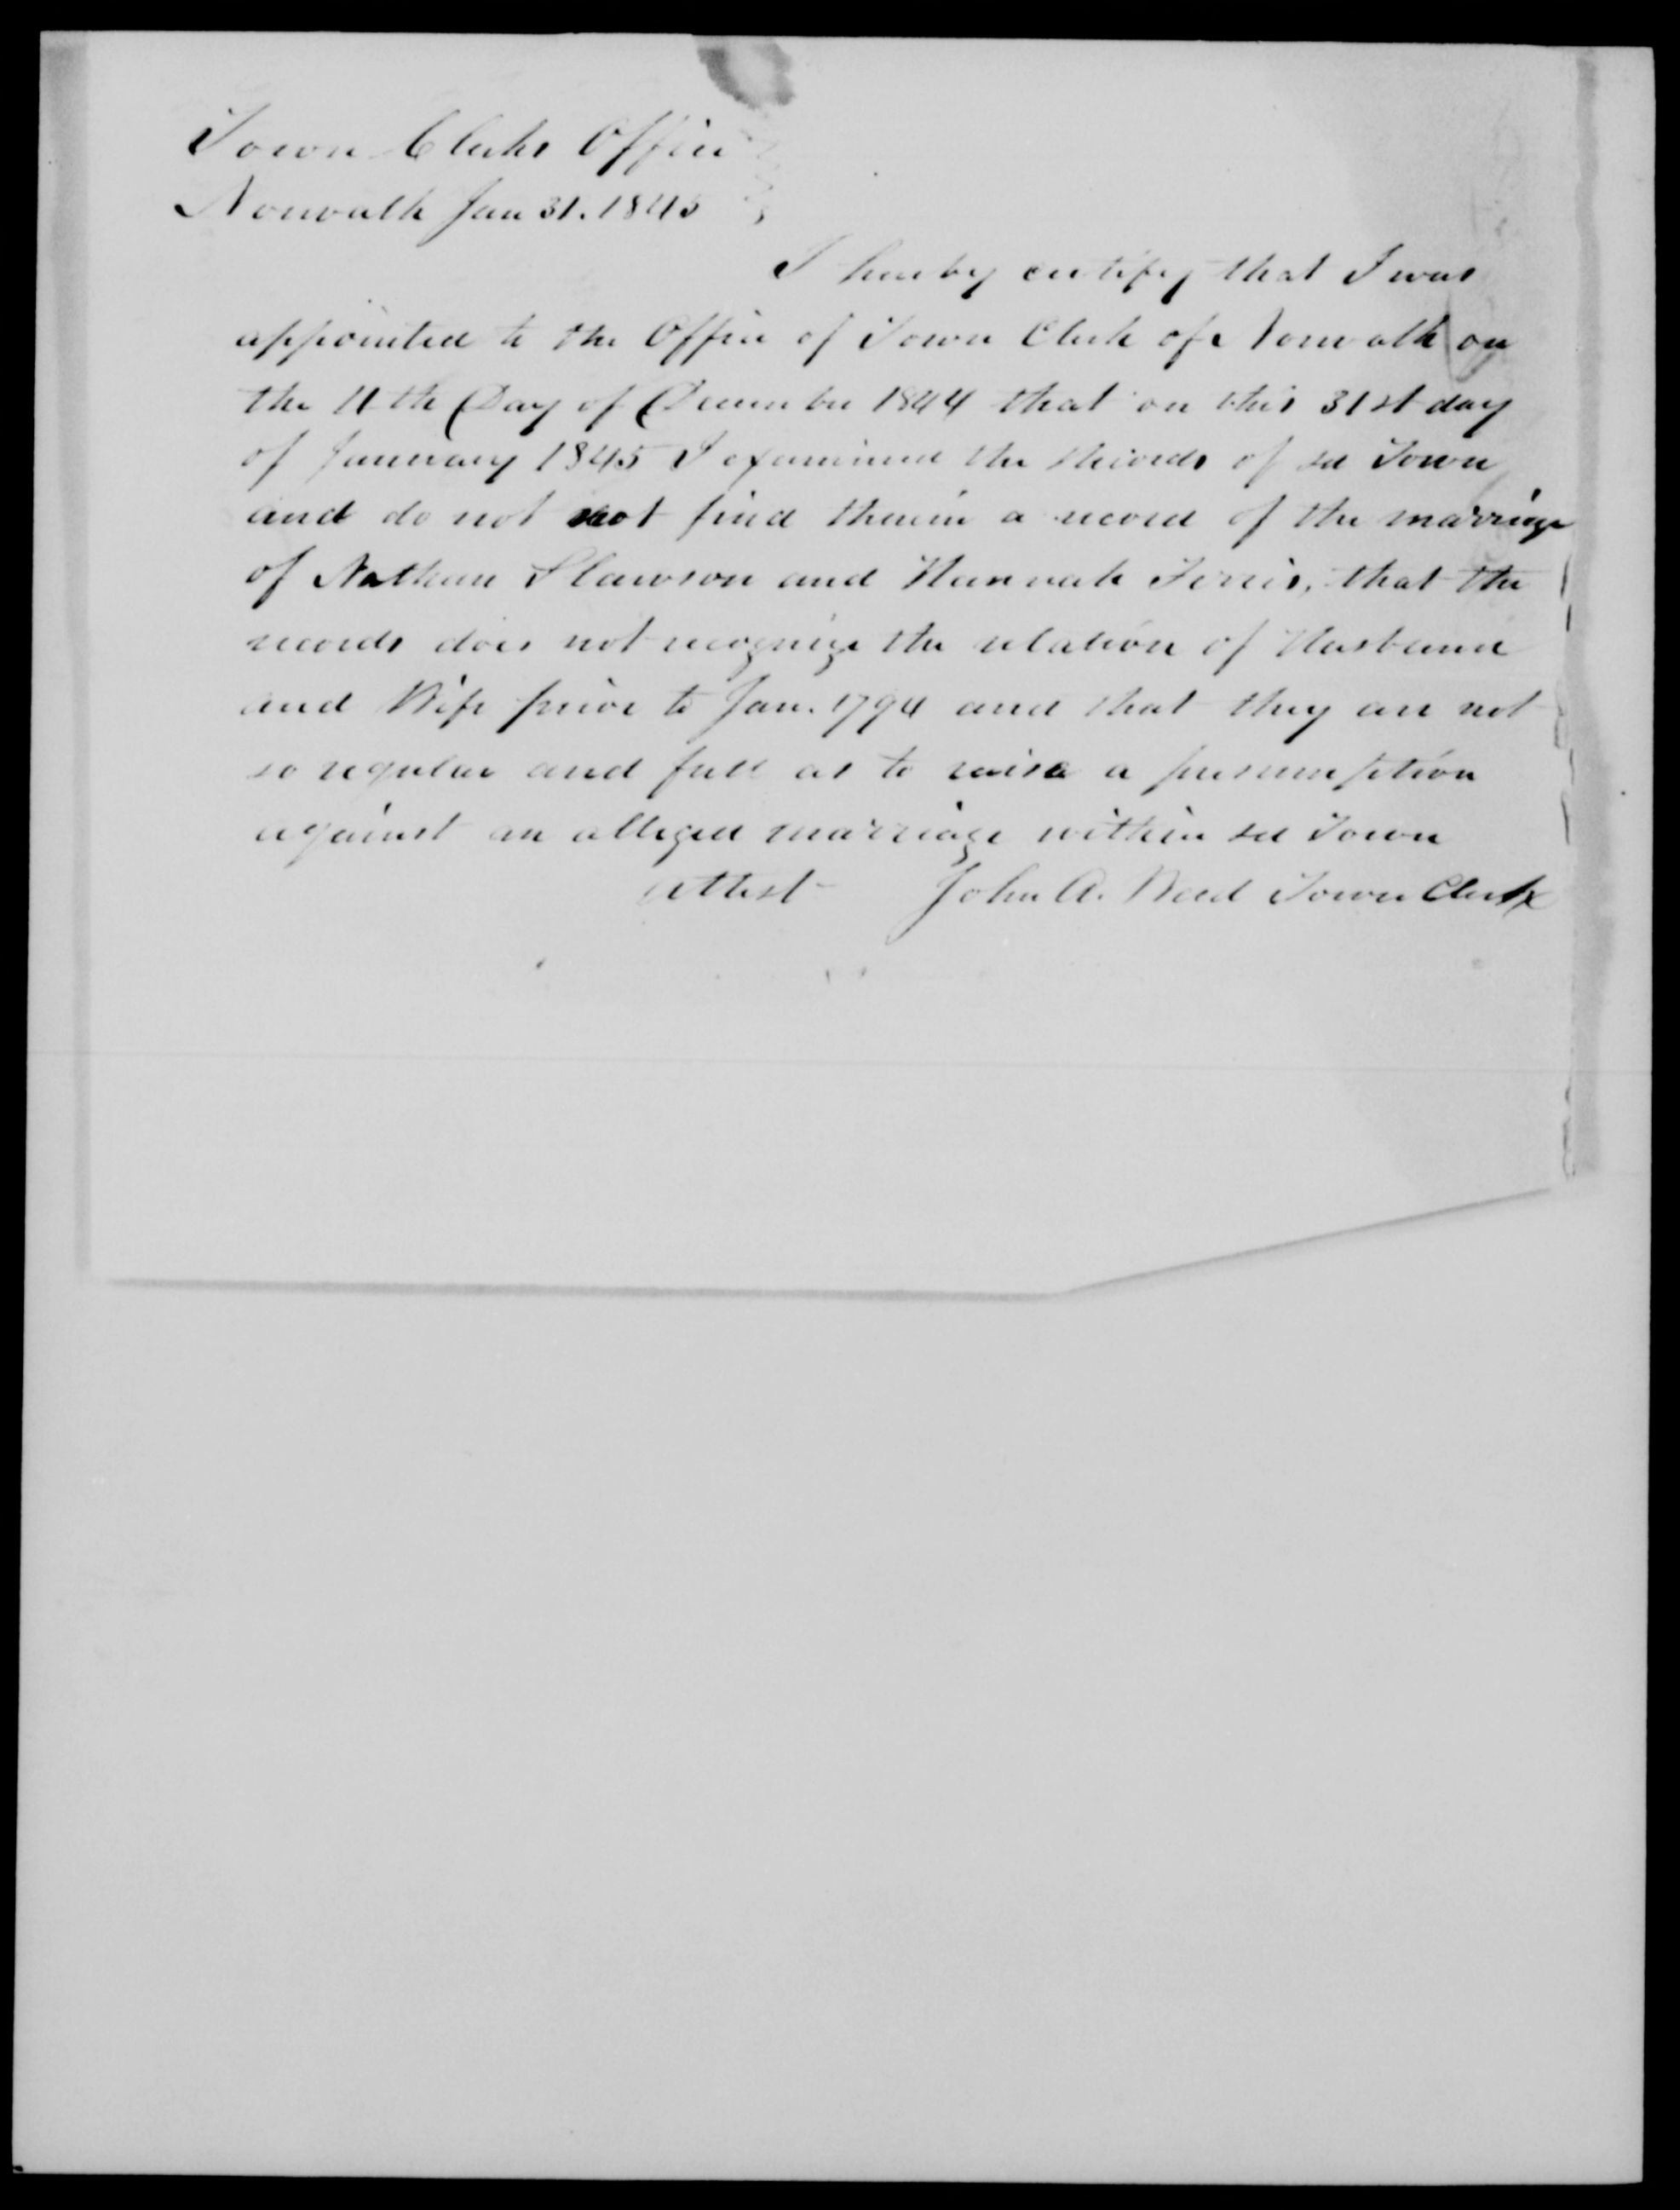Town Clerks Office Norwalk Jan 31, 1845 
I hereby certify that I was appointed to the office of Town Clerk of Nowalk on the 11th day of December 1844 that on this 31st day of January 1845 I examined the Records of said Town and do not not find therein a record of the marriage of Nathan Slawson and Hannah Ferris, that the record does not recognize the relation of Husband and wife prior to Jan. 1794 and that they are not so regular and full as to raise a presumption against an alleged marriage within said Town 
Attest John A. Reed Town Clerk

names: Nathan Slawson; Hannah Ferris; John A Wad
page: 18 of 87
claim: widow's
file: W. 22,226, for Nathan Slawson, Connecticut